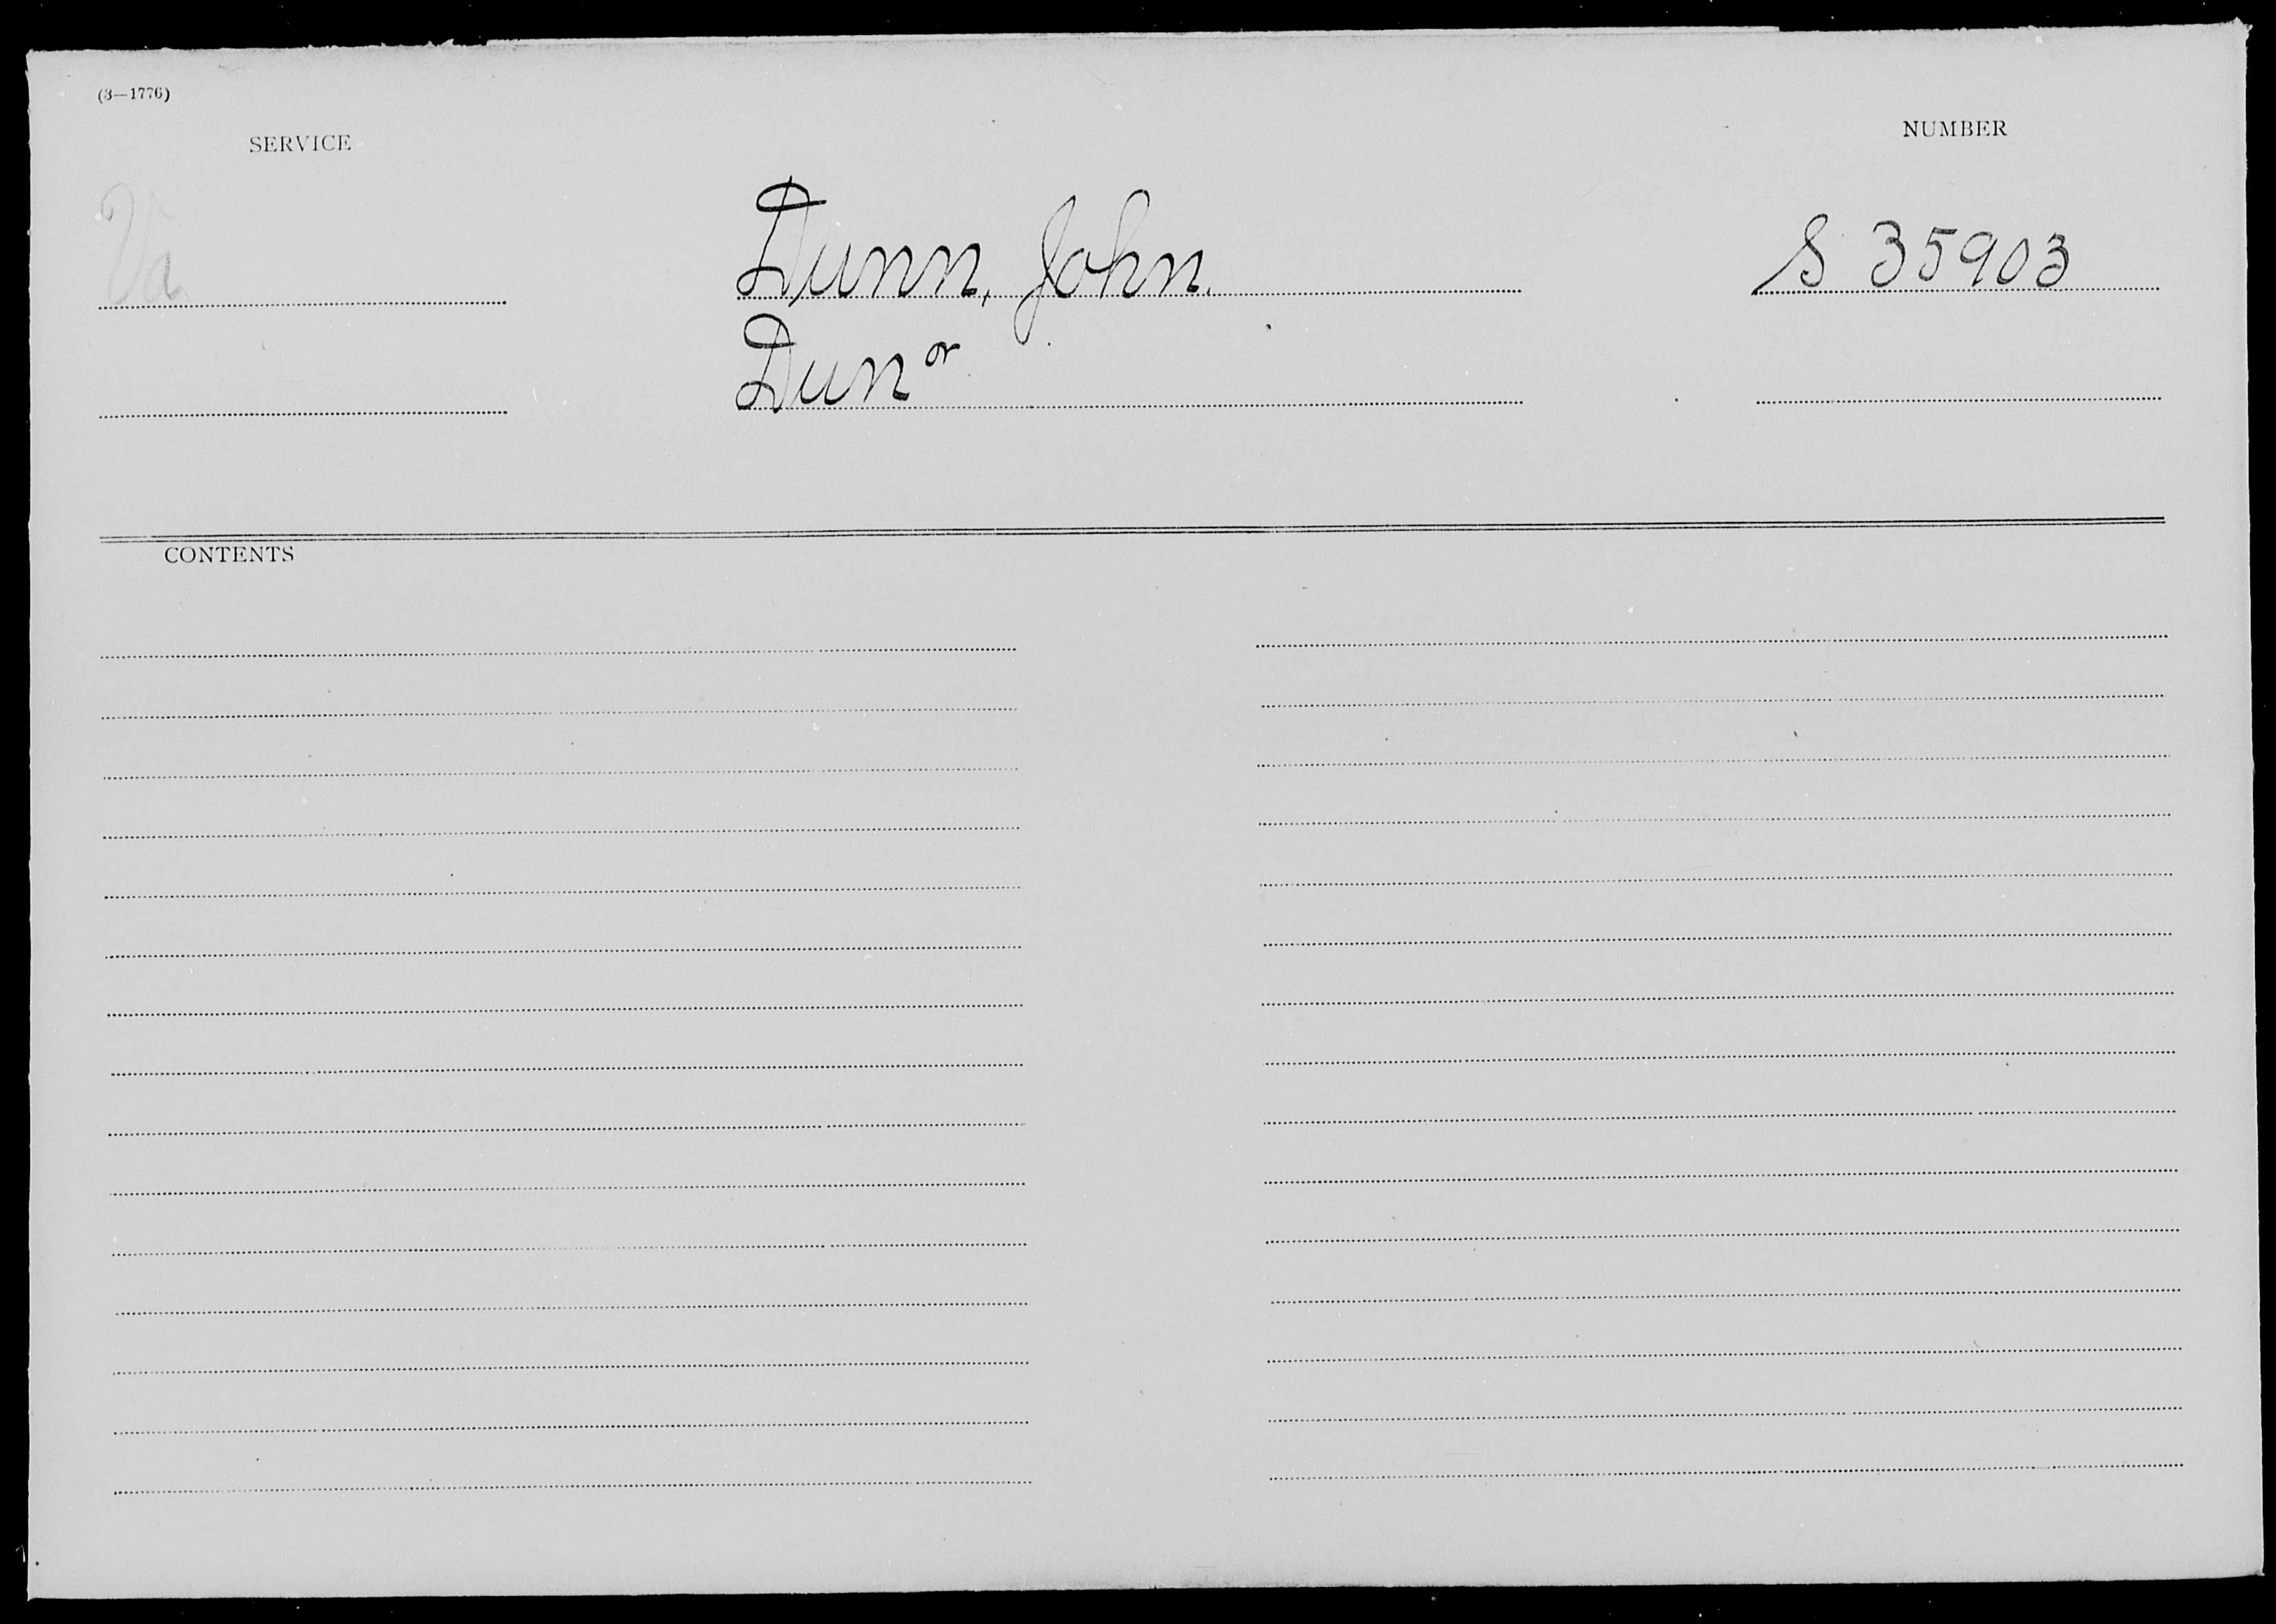[Left Align] (3-1776)
[Column 1] SERVICE [Column 2] [Column 3] NUMBER
[Handwritten]
[Column 1] Va [Column 2] Dunn, John [Column 3] S 35903
[Column 1] [Left Blank] [Column 2] or Dun [Column 2] [Left Blank]
[Line Break]
CONTENTS 
[Column 1] [Left Blank] [Column 2] [Left Blank]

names: John Dun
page: 1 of 23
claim: survivor's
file: S 35903, John Dunn, Va.